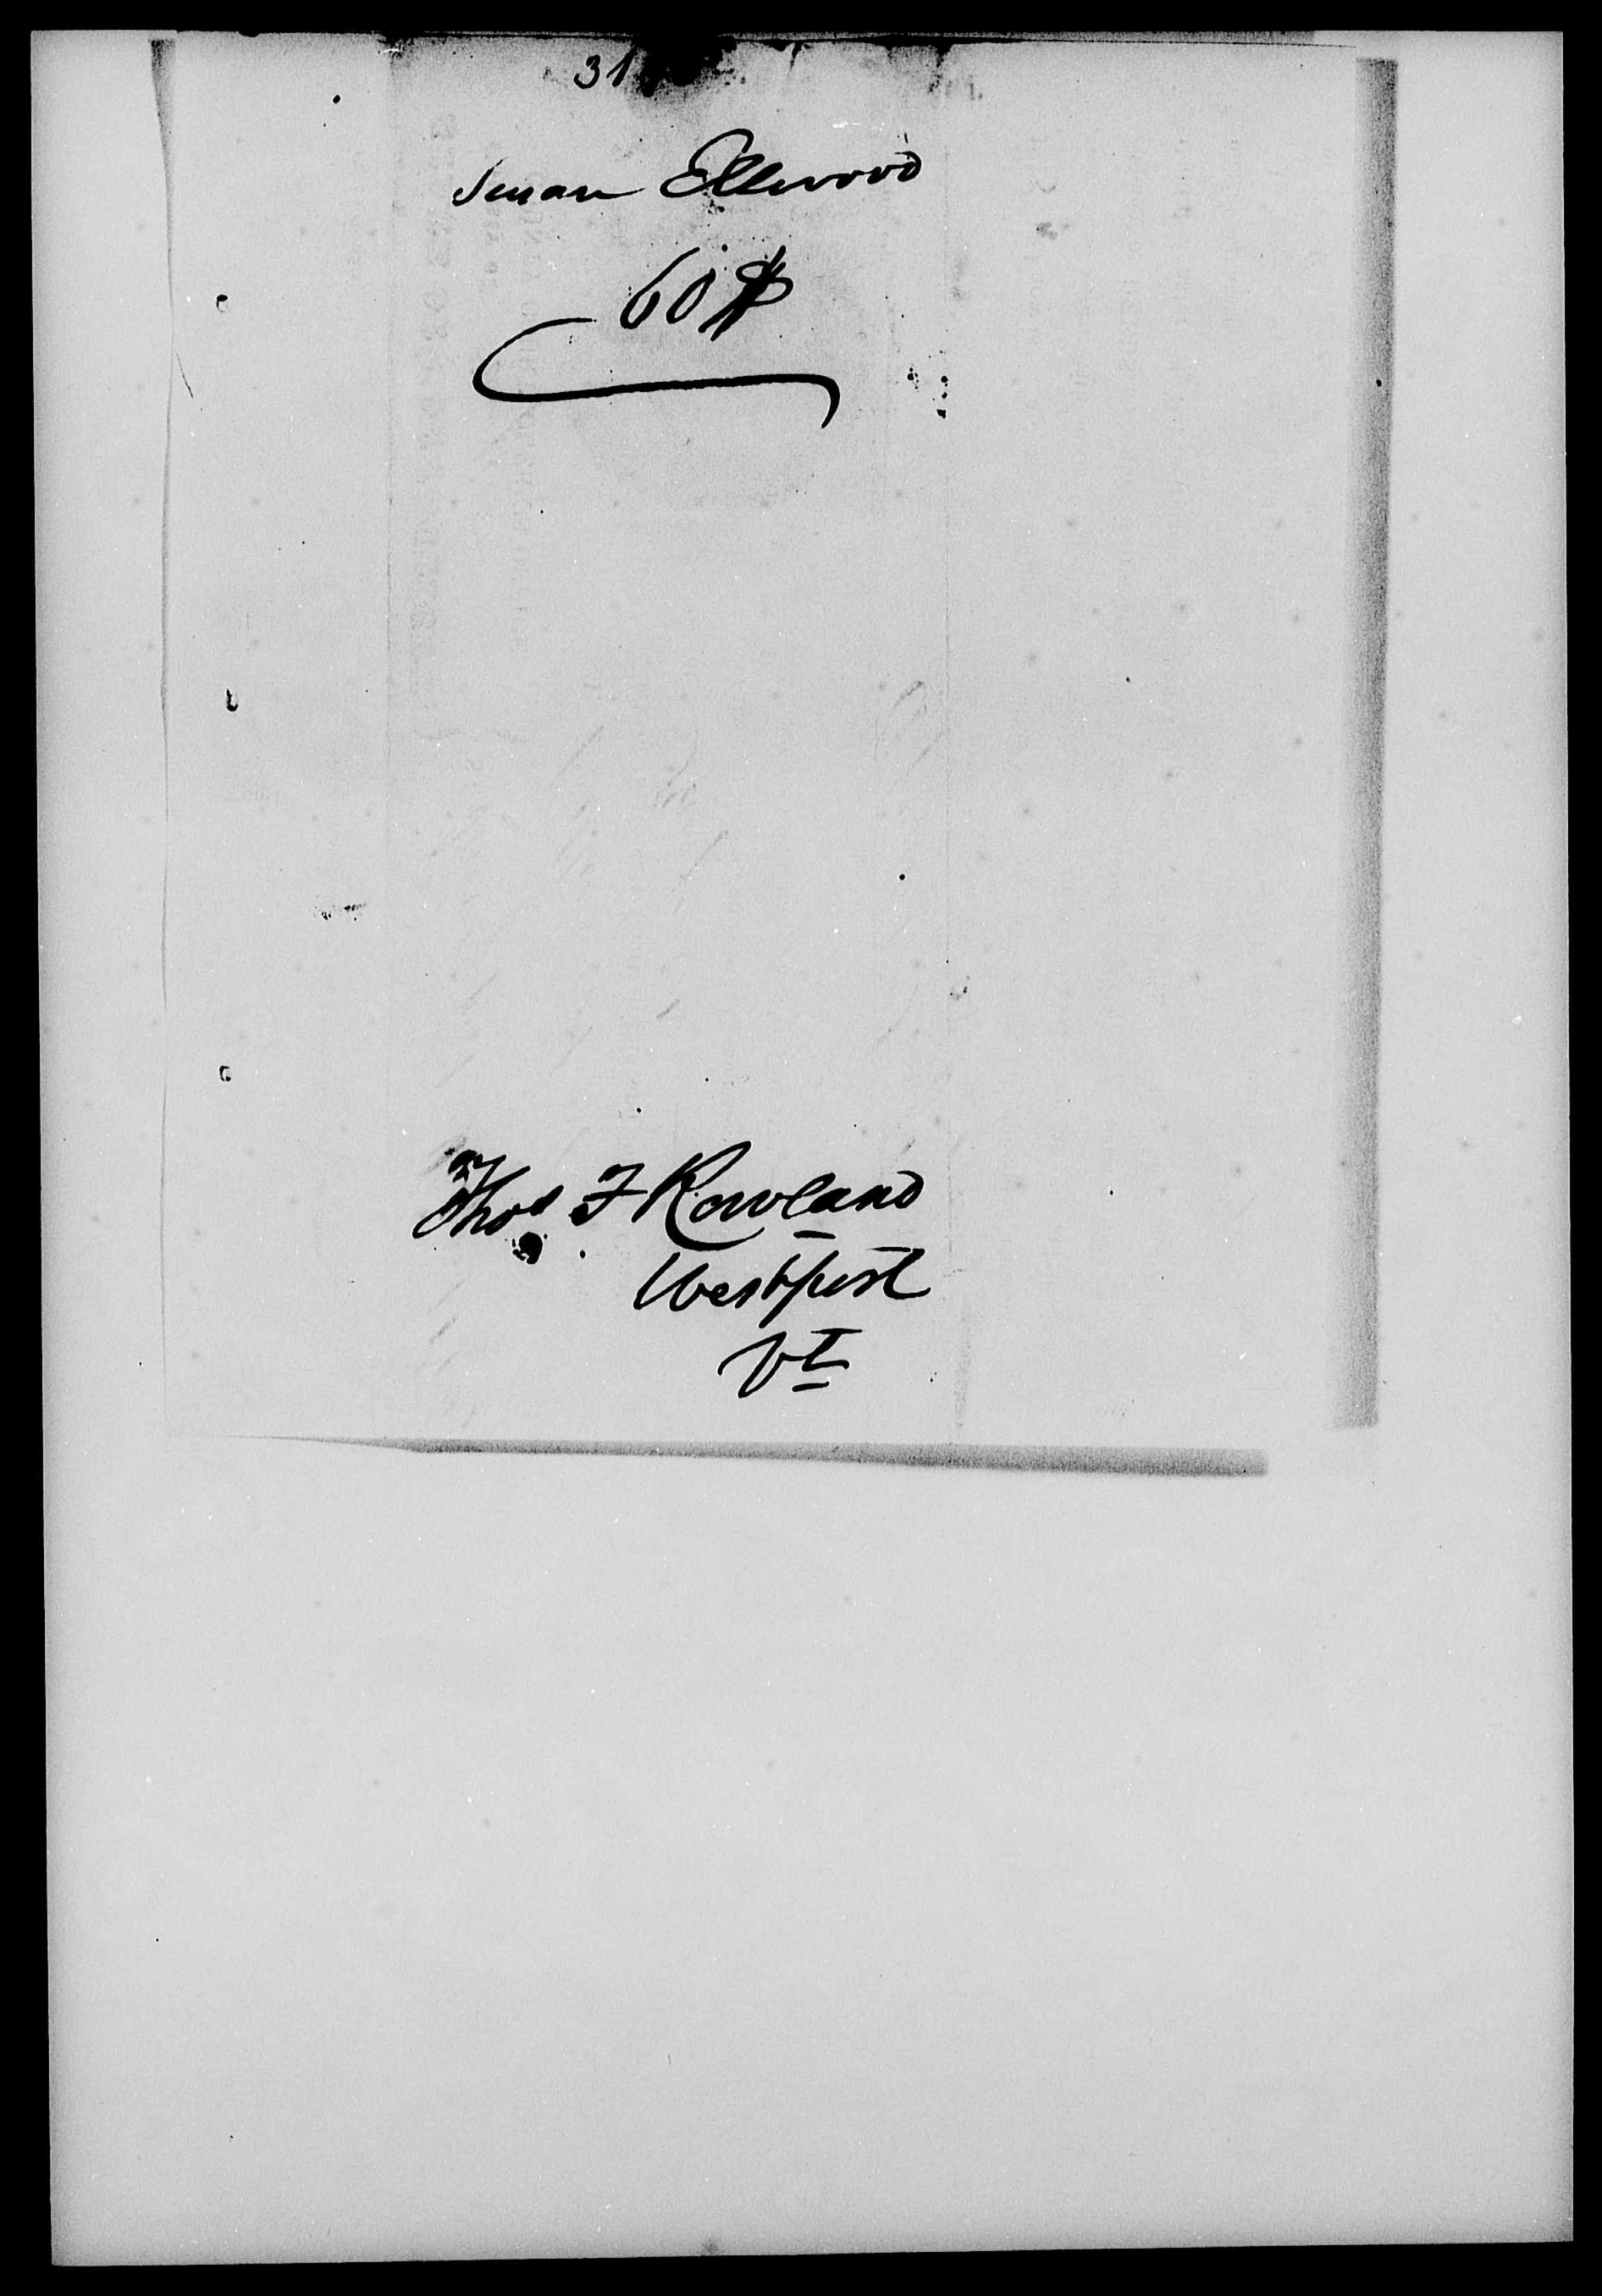Susan Elwood
60


Thos. F Rowland
Westport
Vt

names: Thos F Rowland, Susan Ellwood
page: 50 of 69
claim: widow's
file: W. 25562, Abijah Elwood, Conn.